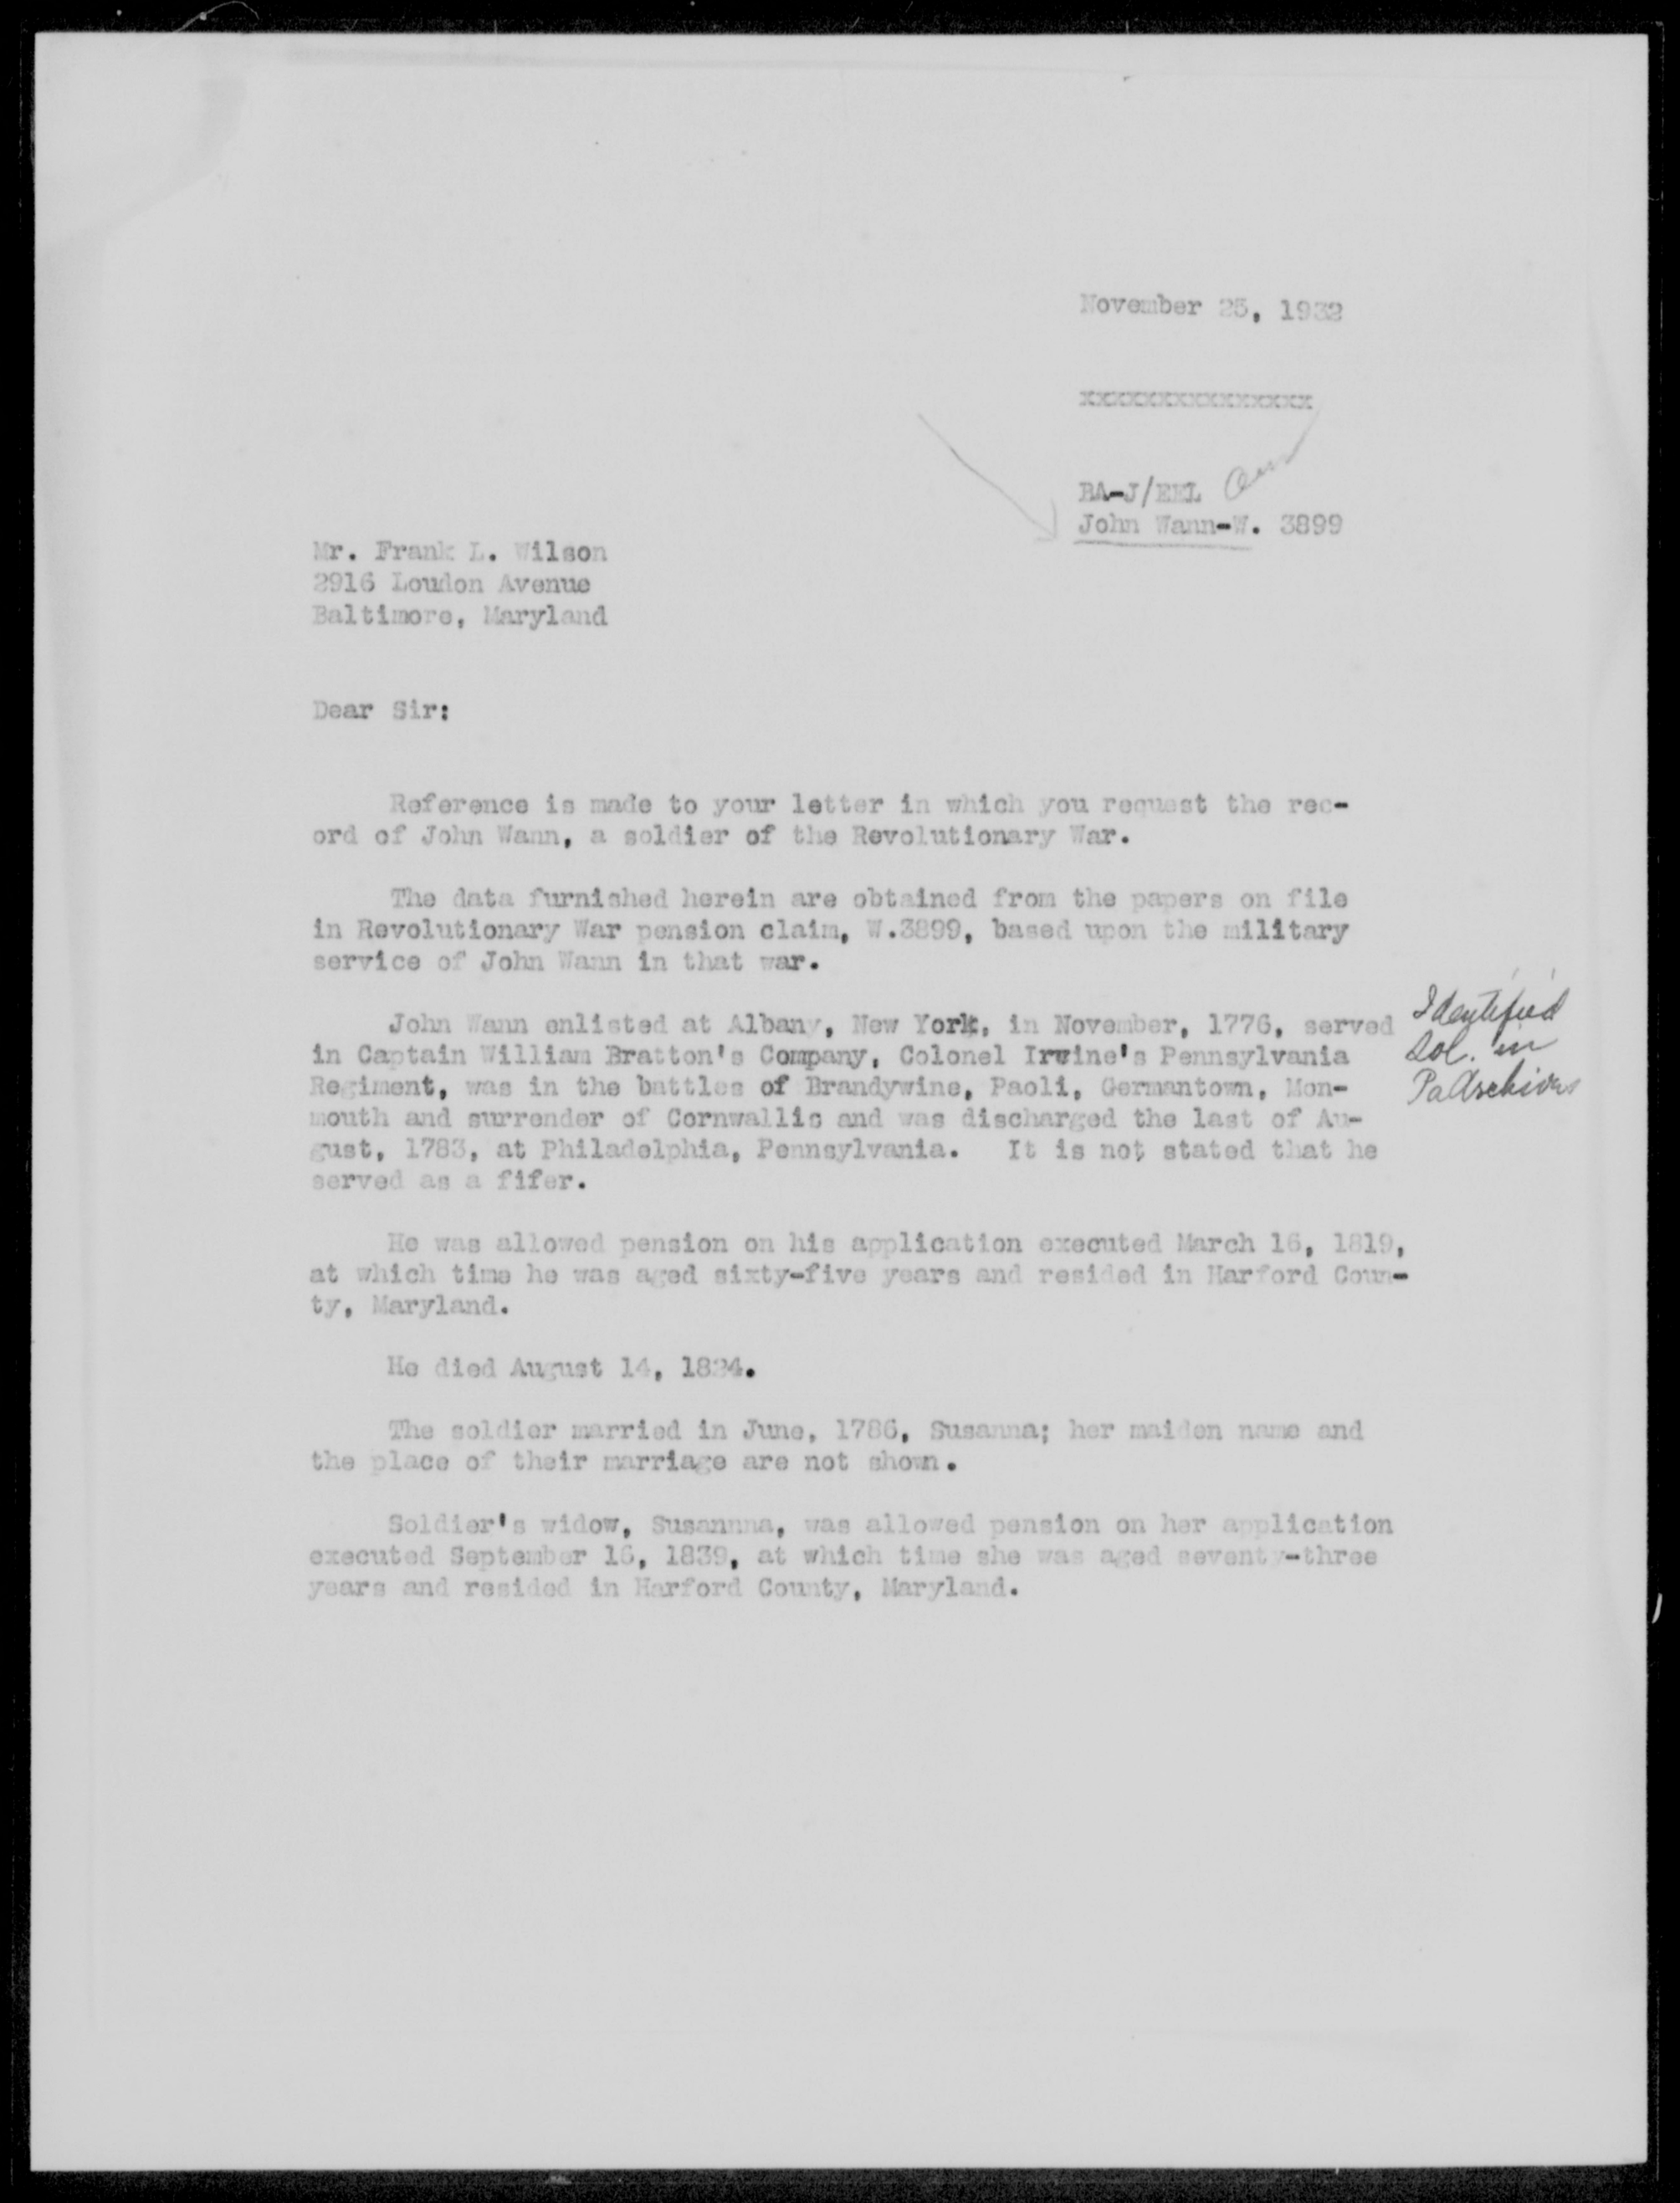xxxxxxxxxxxxxxx
RA-J/EEL
John Wann-W. 3899 [hand drawn underline beneath John Wann-W; hand drawn arrow pointing to name]

Mr. Frank L. Wilson
2916 Loudon Avenue
Baltimore, Maryland

Dear Sir:
Reference is made to your letter in which you request the record of John Wann, a soldier of the Revolutionary War.
The data furnished herein are obtained from the papers on file in Revolutionary War pension claim, W. 3899, based upon the military service of John Wann in that war.
John Wann enlisted at Albany, New York, in November, 1776, served [handwritten note in margin here states "Identified sol. in Pa Archives"] in Captain William Bratton's Company, Colonel Irvine's Pennsylvania Regiment, was in the battles of Brandywine, Paoli, Germantown, Monmouth and surrender of Cornwallis and was discharged the last of August, 1783, at Philadelphia, Pennsylvania. It is not stated that he served as a fifer.
He was allowed pension on his application executed March 16, 1819, at which time he was aged sixty-five years and resided in Harford County, Maryland.
He died August 14, 1824.
The soldier married in June,1786, Susanna; her maiden name and the place of their marriage are not shown.
Soldier's widow, Susannna,[spelling as shown on letter] was allowed pension on her application executed September 16, 1839, at which time she was aged seventy-three years and resided in Harford County, Maryland.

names: John Wann, John Wann, Sussanna, Susanna, John Wann, Frank L Wilson, John Wann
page: 16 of 38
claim: widow's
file: W. 3899, John Wann, Penn.